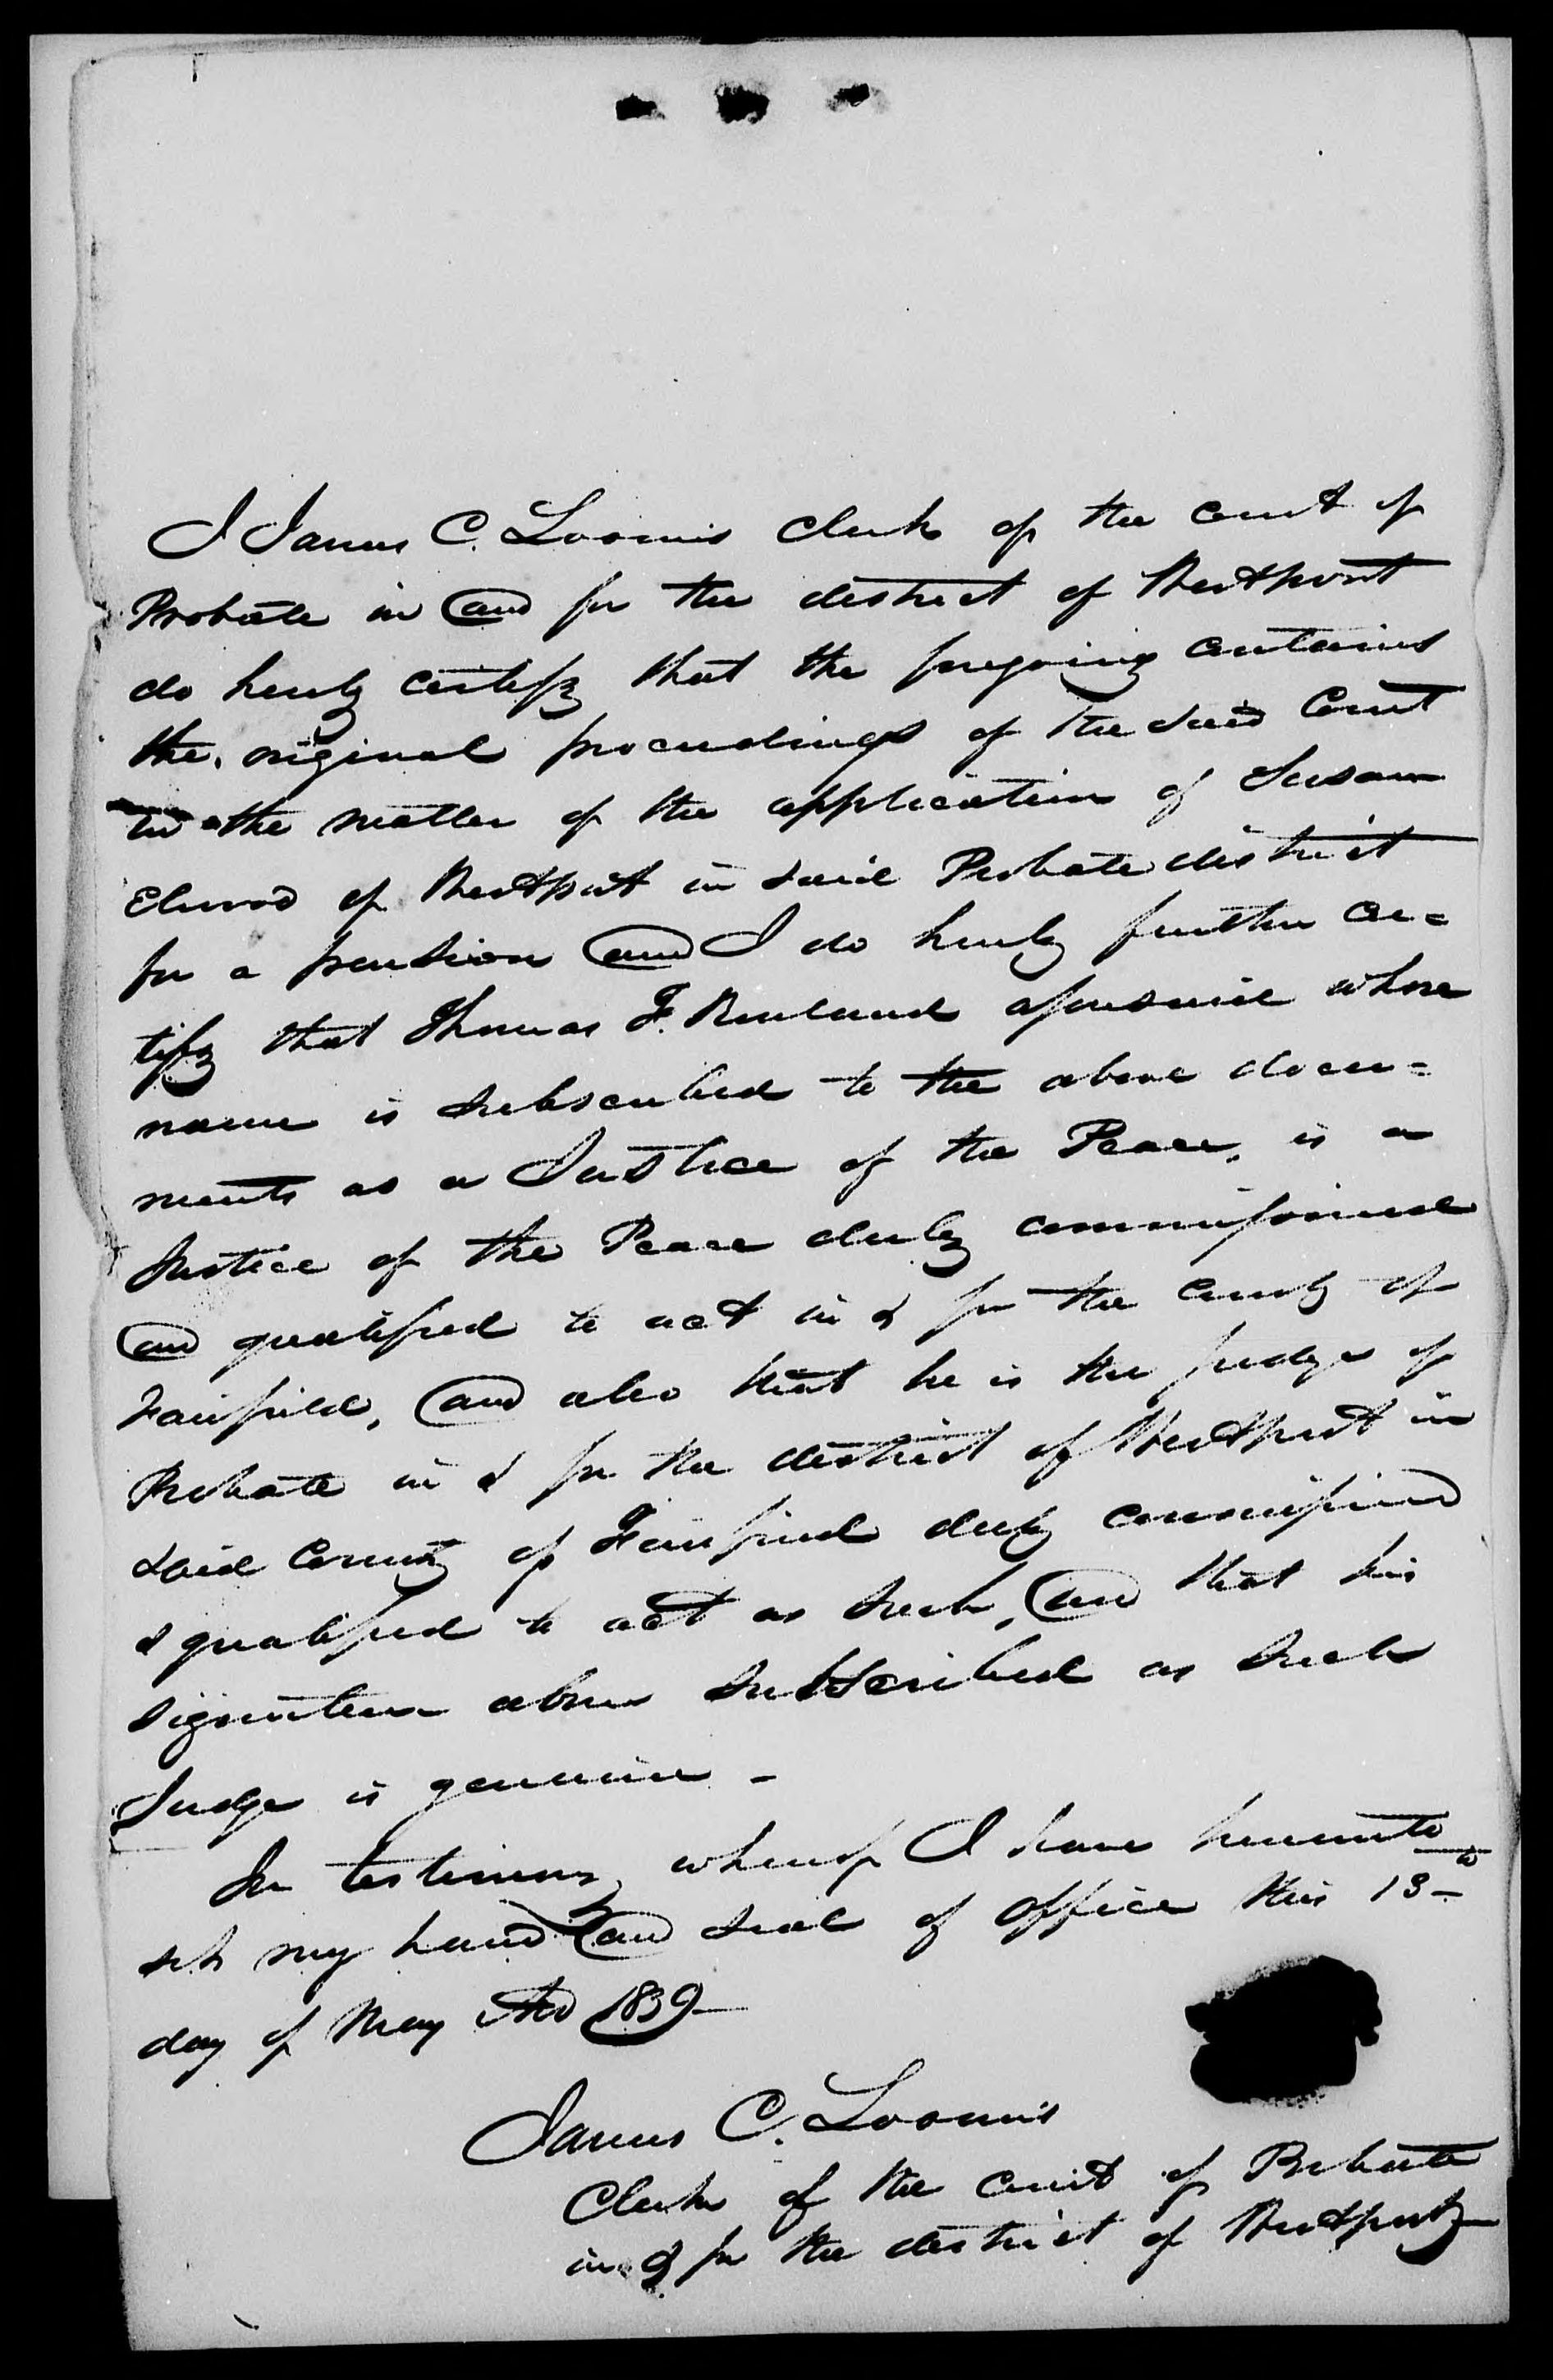I James C. Loomis clerk of the court of Probate in and for the district of the Westport do hereby certify that the forgoing contains the original proceedings of the said court in the matter of the application of Susan Elwood of Westport in said Probate district for a pension and I do hereby further certify that Thomas F. Wakeman aforesaid whose name is subscribed to the above clausures as a Justice of the Peace duly commissioned and qualified to act in and for the in the County of Fairfield, and 
also that he is the Judge of Probate in and for the  district of Westport in said County of Fairfield duly commissioned and qualified to act on bench, and that his signature above subscribed as such Judge is genuine. 
In testimony whereof I have hereto set my hand and seal of office this 13th day of May 1839.
[presumed seal, all blacked out]
James C. Loomis
Clerk of the Court of Probate for the district of Westport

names: James C Loomis, Thomas F Rowland, James C Loomis, Susan Elwood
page: 69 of 69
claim: widow's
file: W. 25562, Abijah Elwood, Conn.